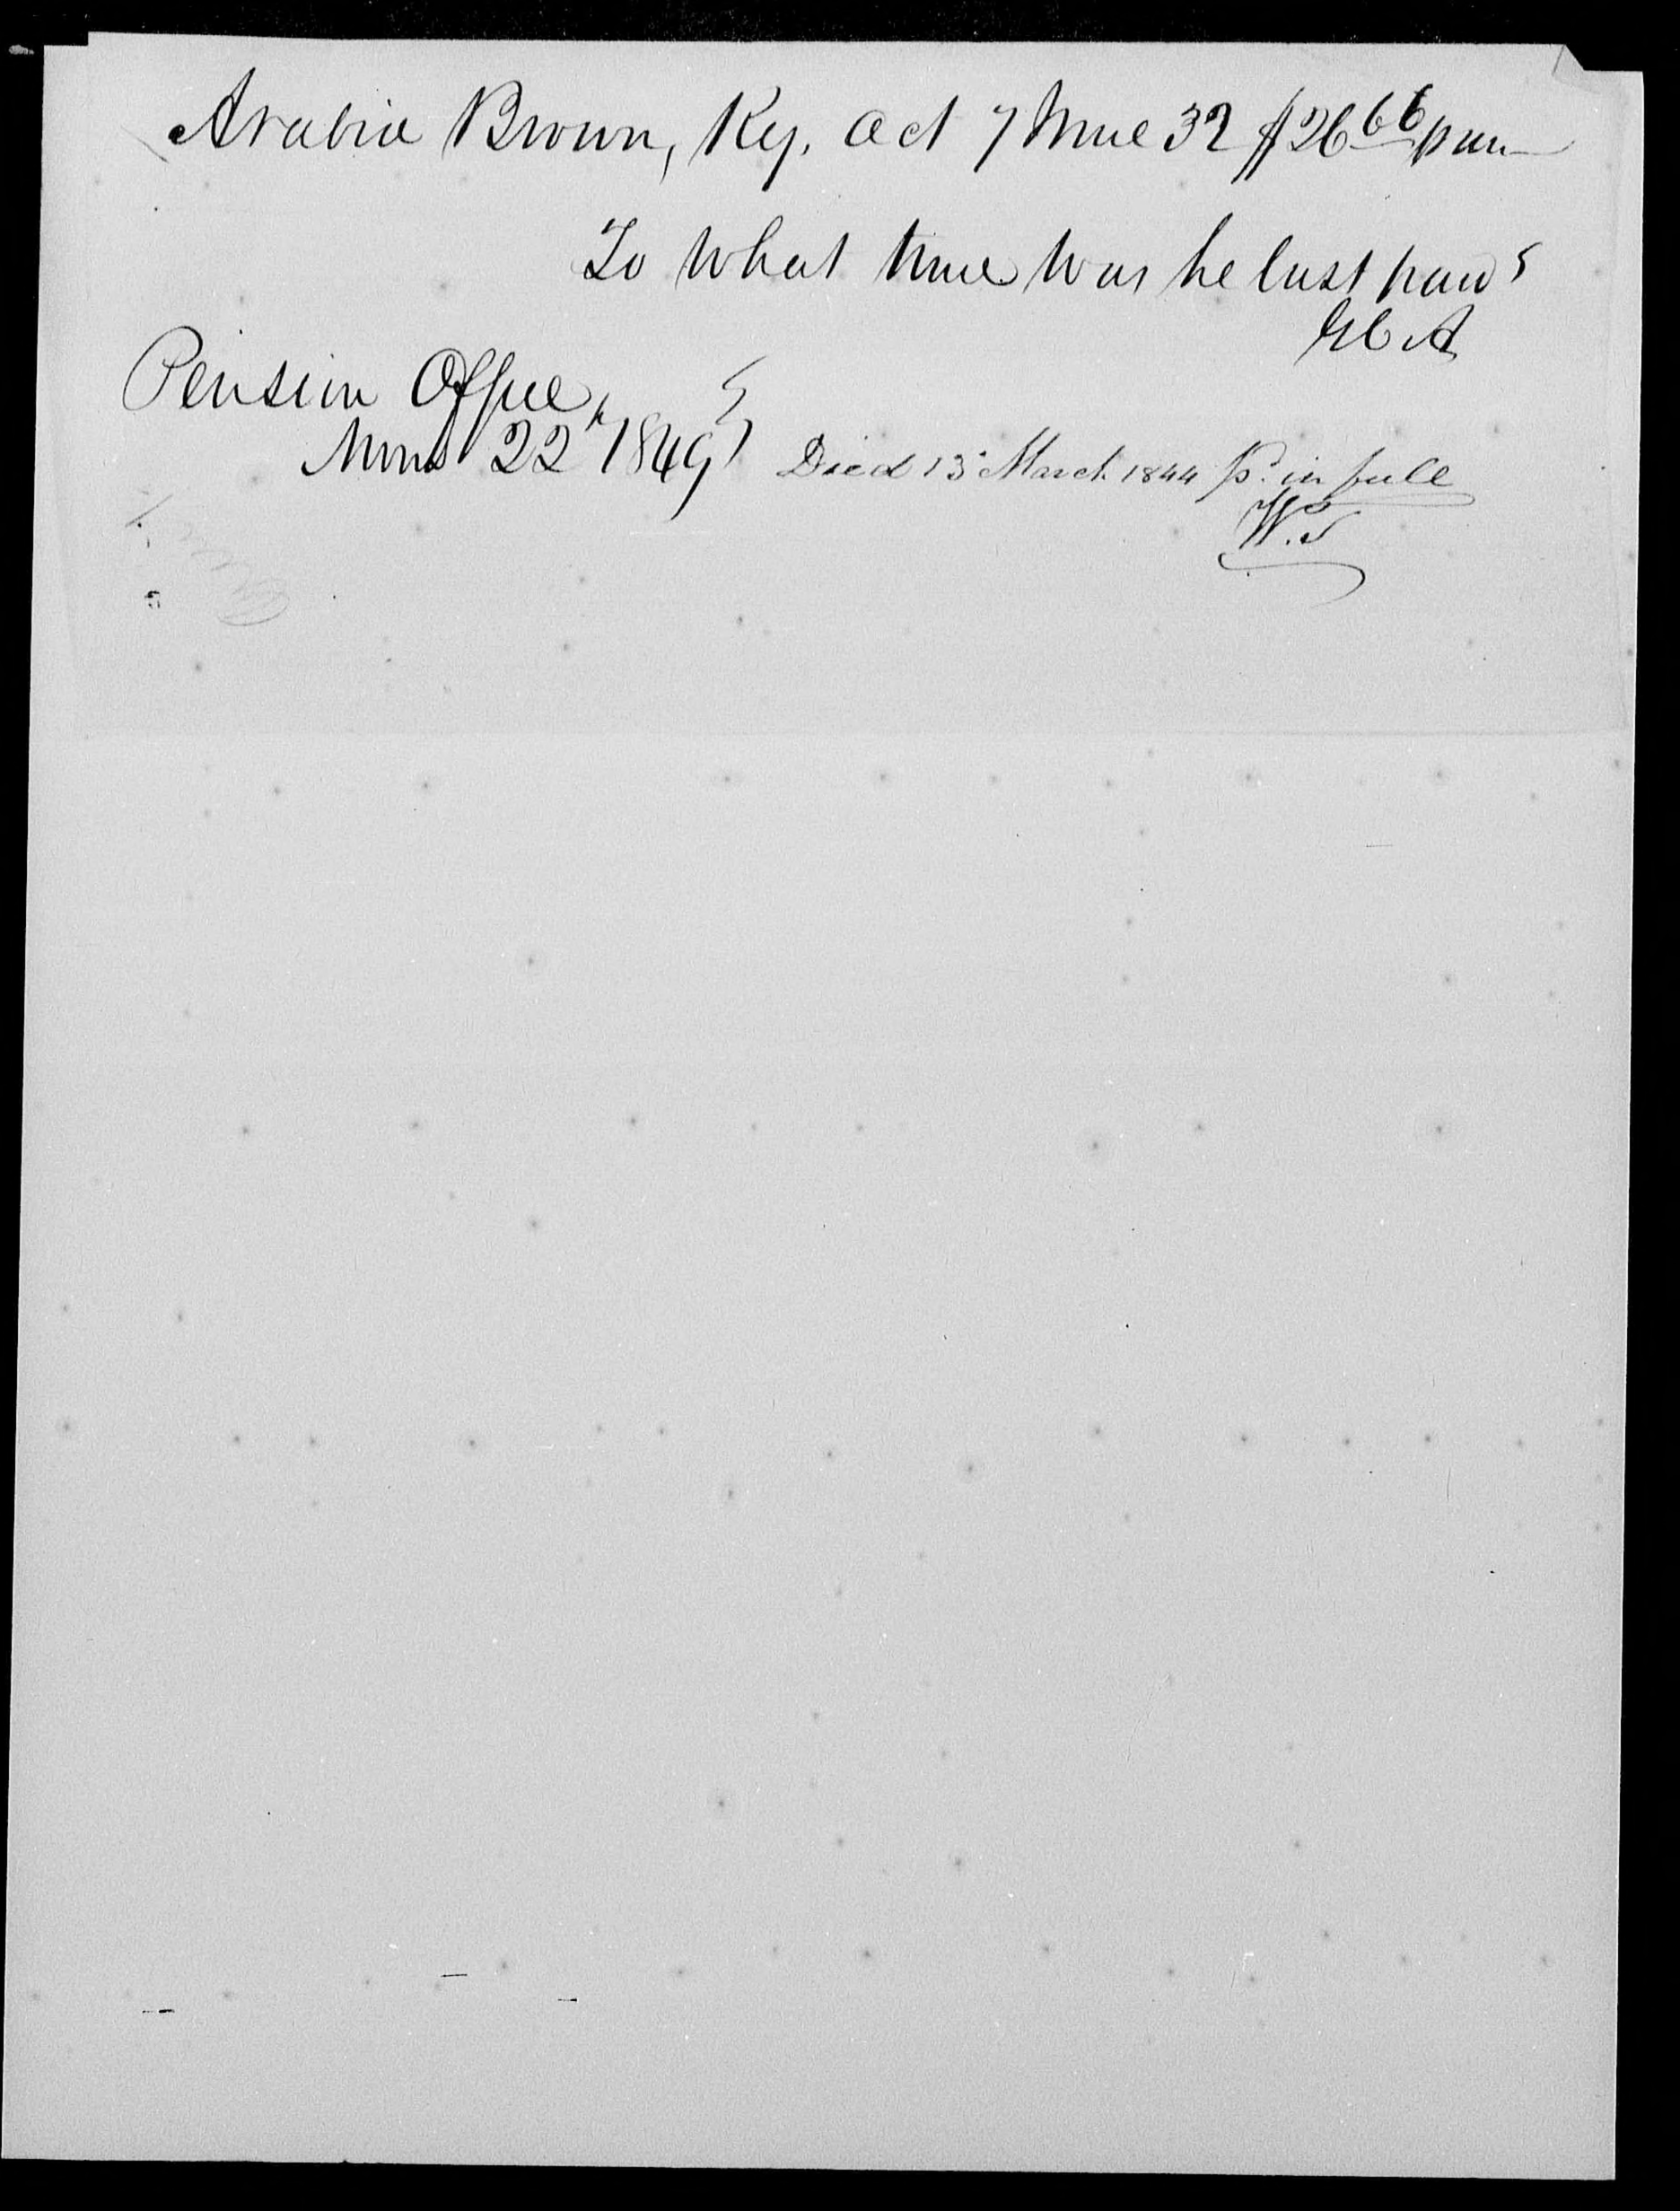Arabia Brown, Ky act of mu-- 32 $26.66 p---

To what time was he _______________

Pension Office

M--- 22 1849 Died 13 March 1844 p in full

W.J.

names: Arabia Brown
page: 48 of 65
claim: widow's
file: W. 8384, Arabia Brown, Va.